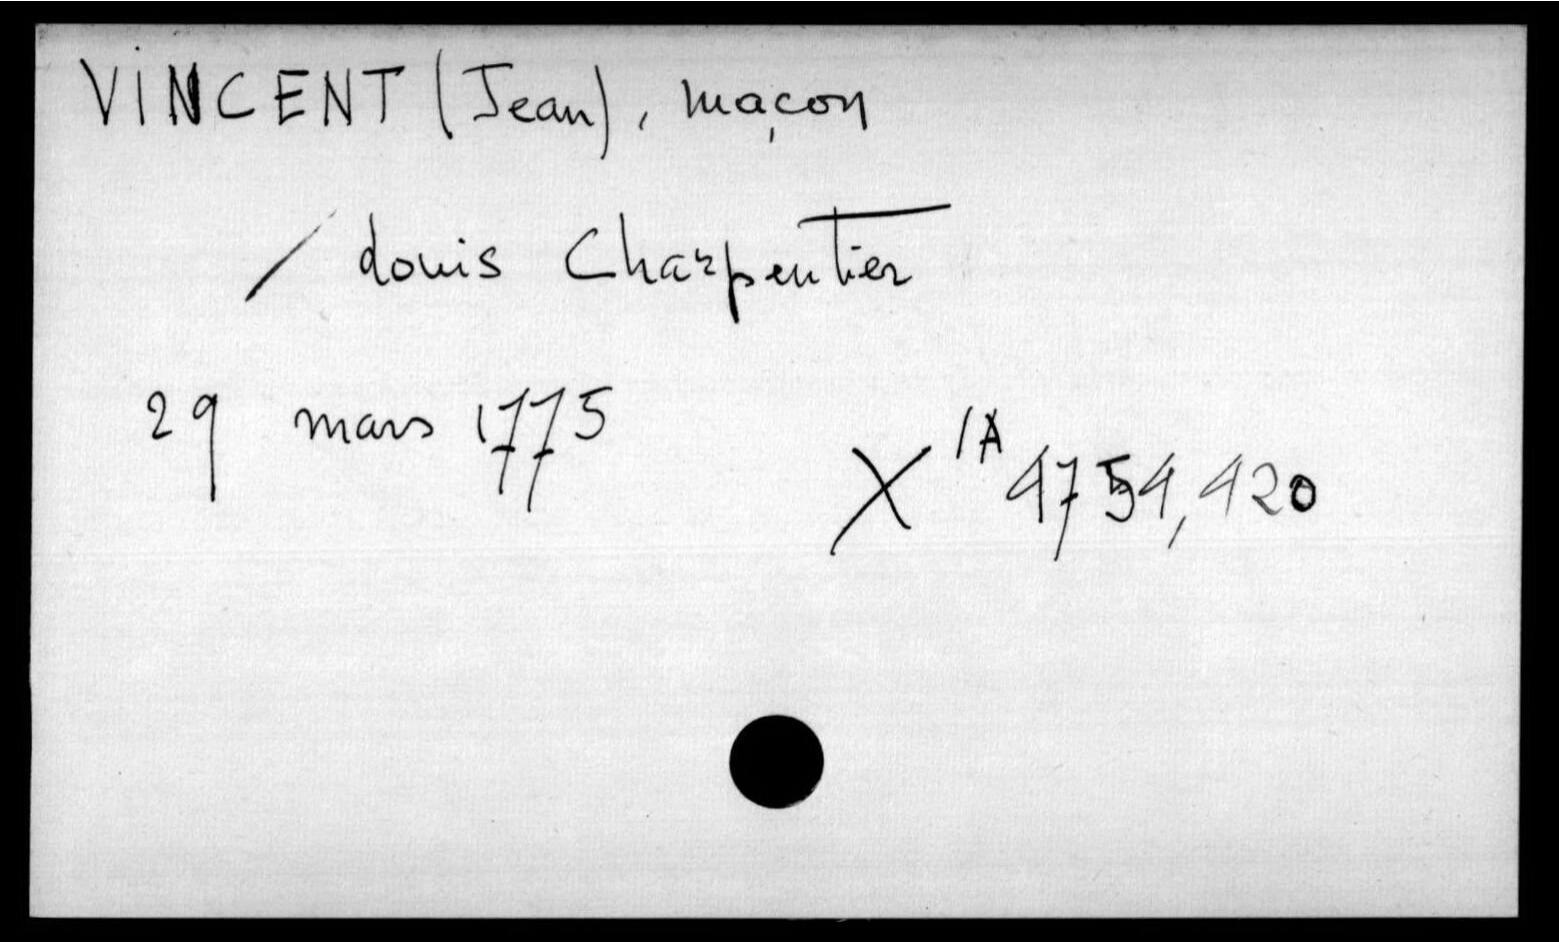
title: VINCENT (Jean), maçon
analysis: Contre Louis Charpentier
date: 29 mars 1775
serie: X1A
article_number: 4754
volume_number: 420
